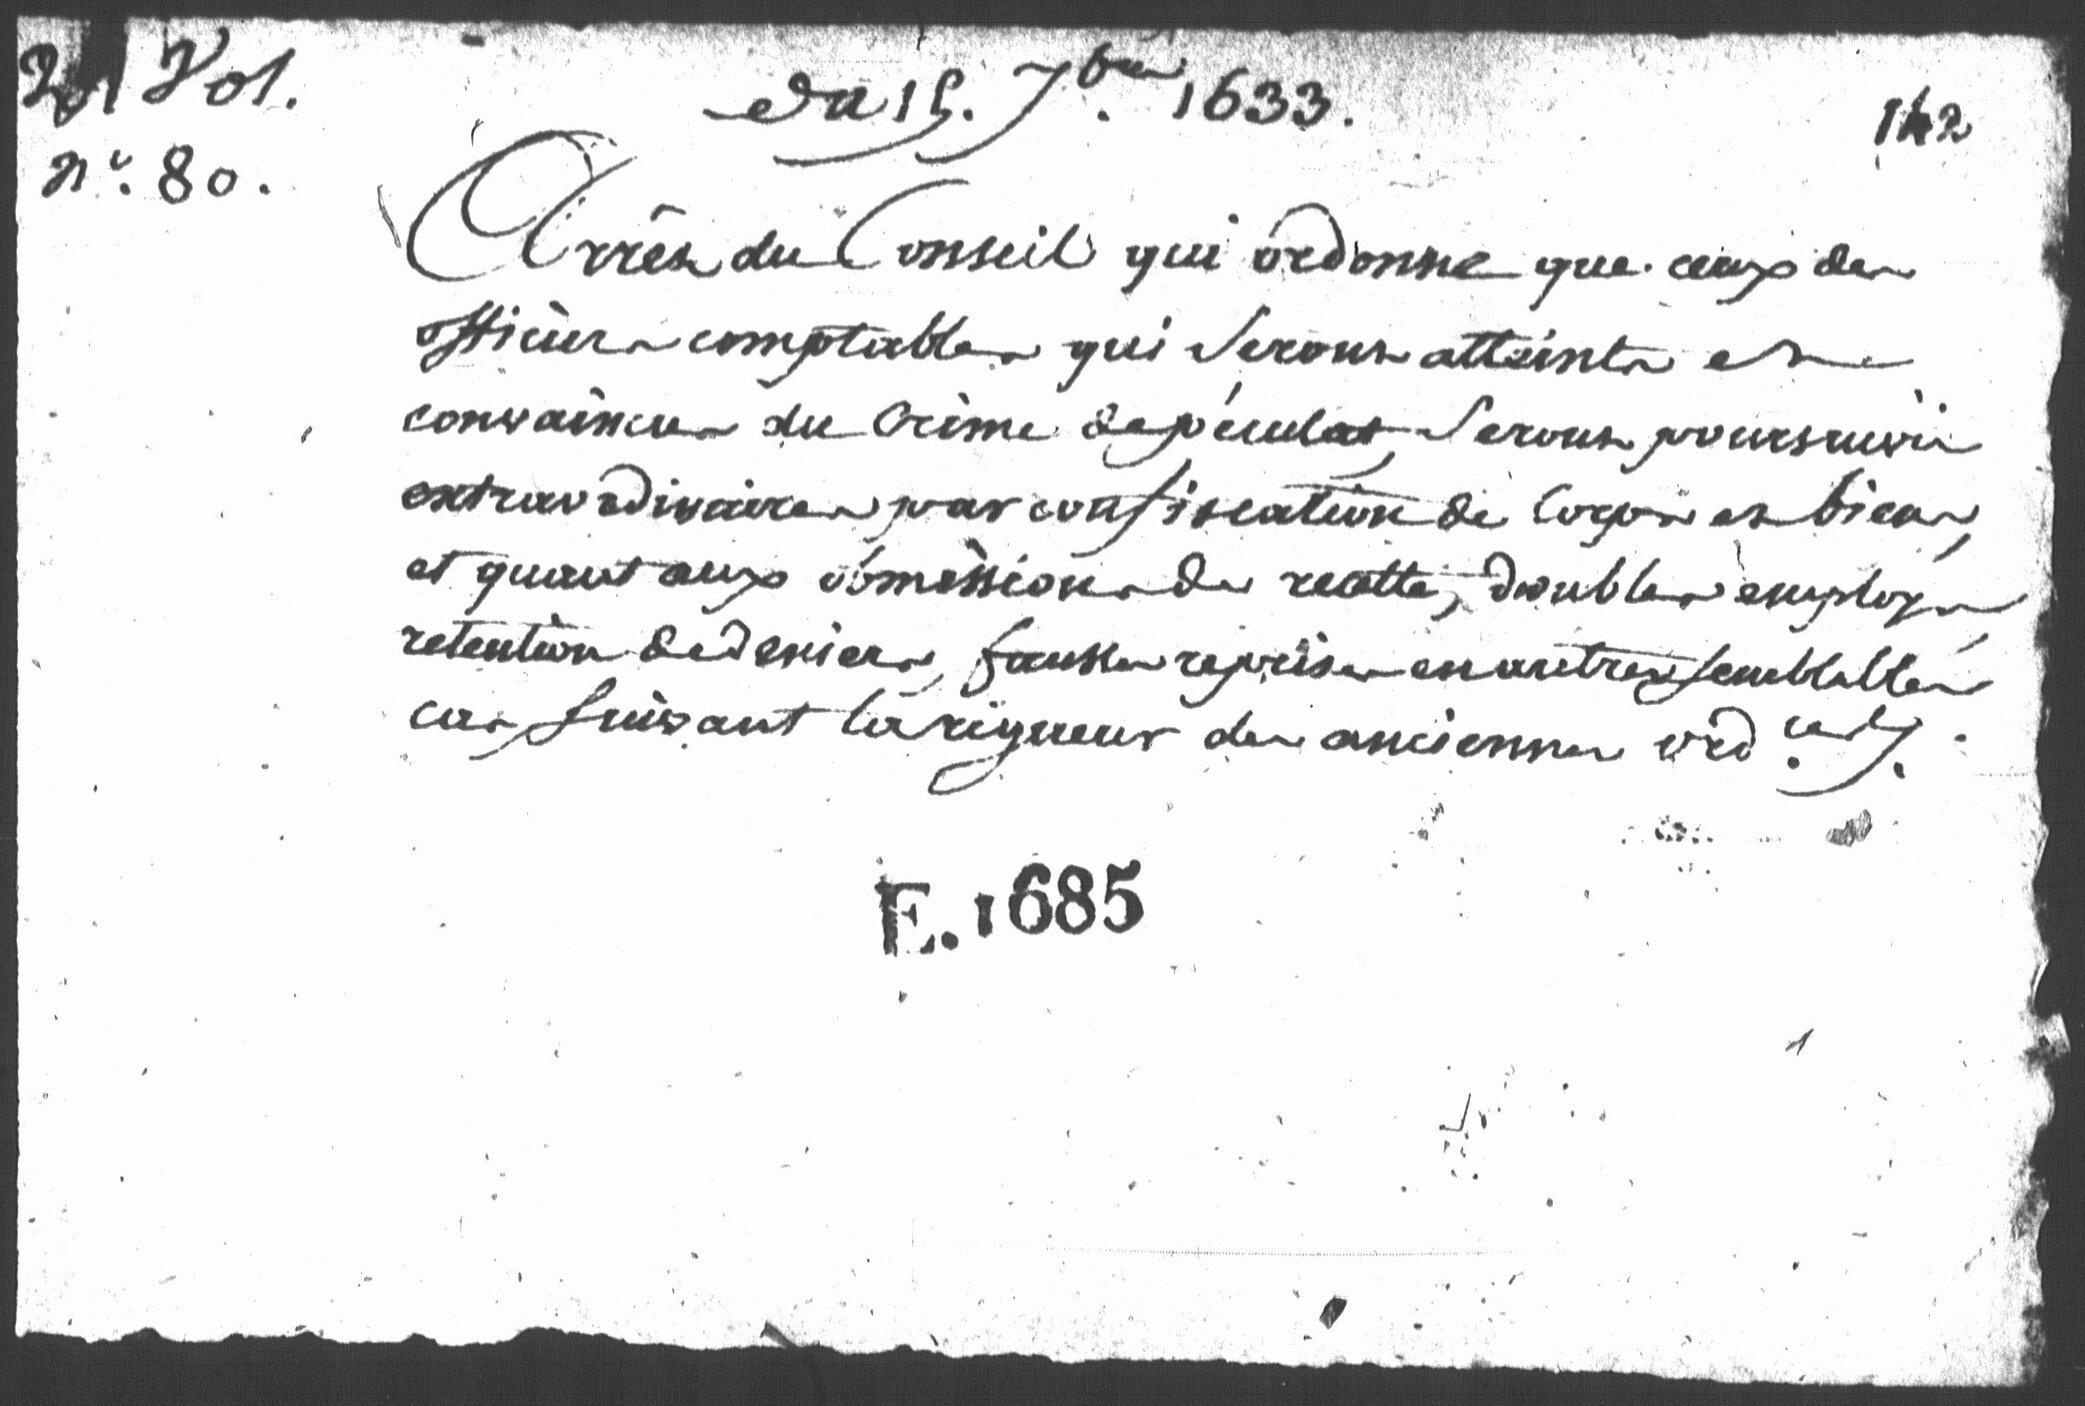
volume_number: n°80
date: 15 septembre 1633
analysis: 142
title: Arrêt du Conseil qui ordonne que ceux des officiers comptables qui seront atteints et convaincus du crime de péculat, seront poursuivis extraordinaires par confiscation de corps et biens, et quant aux obmissions de recette, doubles employs, retention de deniers, fausses reprises et autres semblables cas, suivant la rigueur des anciennes ord.ces.
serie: E
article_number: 1685
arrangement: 2 vol.
